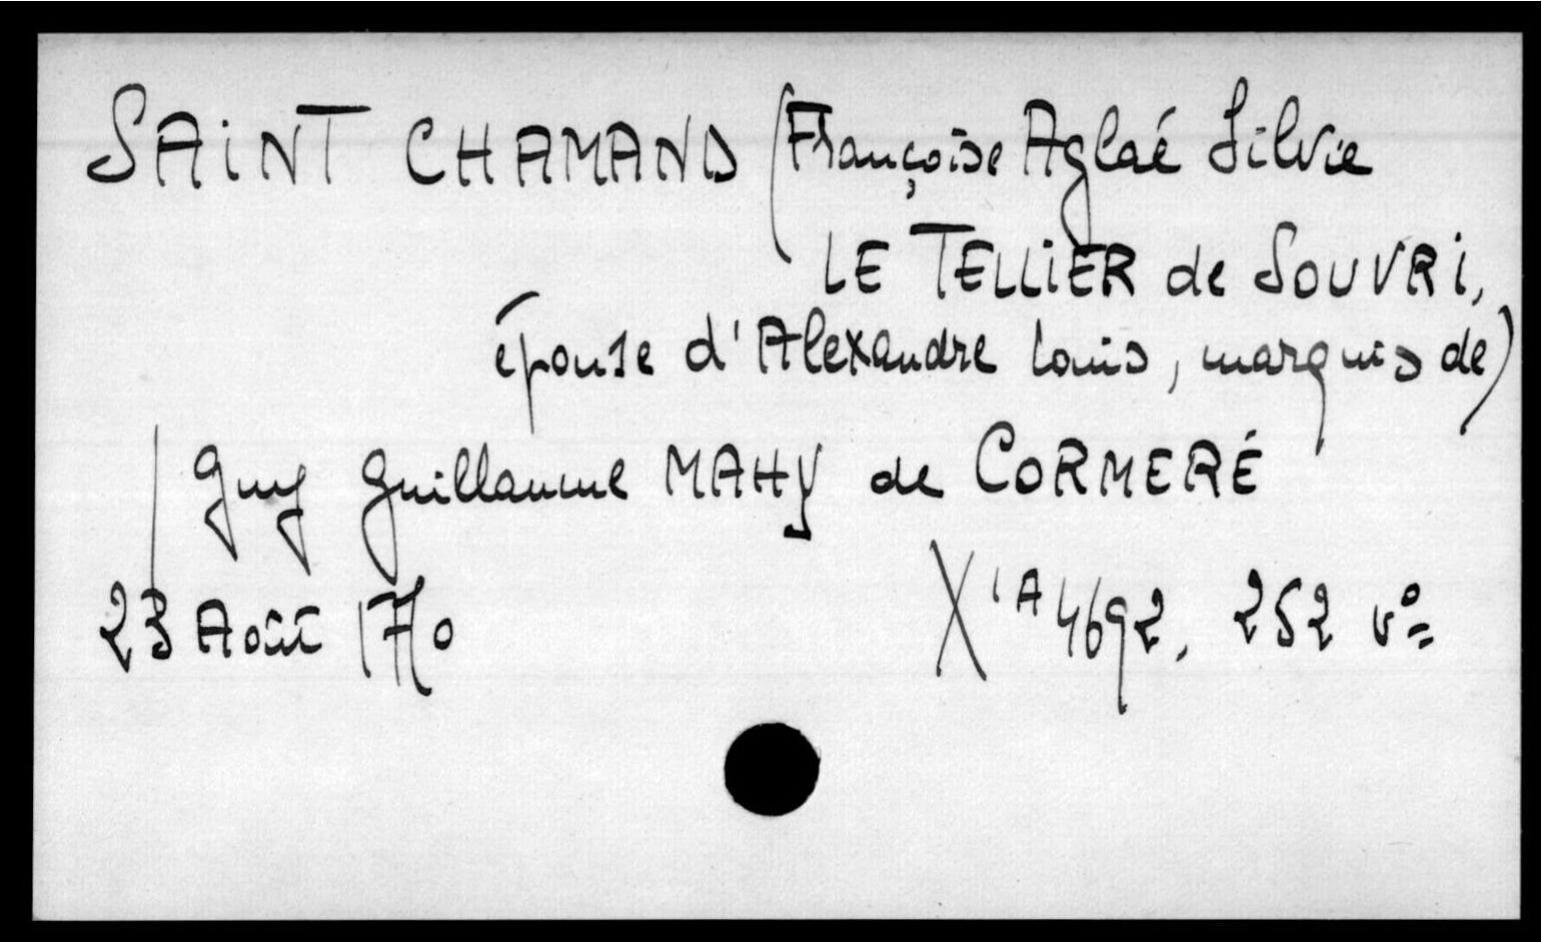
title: SAINT CHAMAND (Françoise Aglaé Silvie LE TELLIER de SOUVRI, épouse d'Alexandre Louis, marquis de)
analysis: Contre Guillaume MAHY de CORMERÉ
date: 23 août 1770
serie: X1A
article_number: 4692
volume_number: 252v
